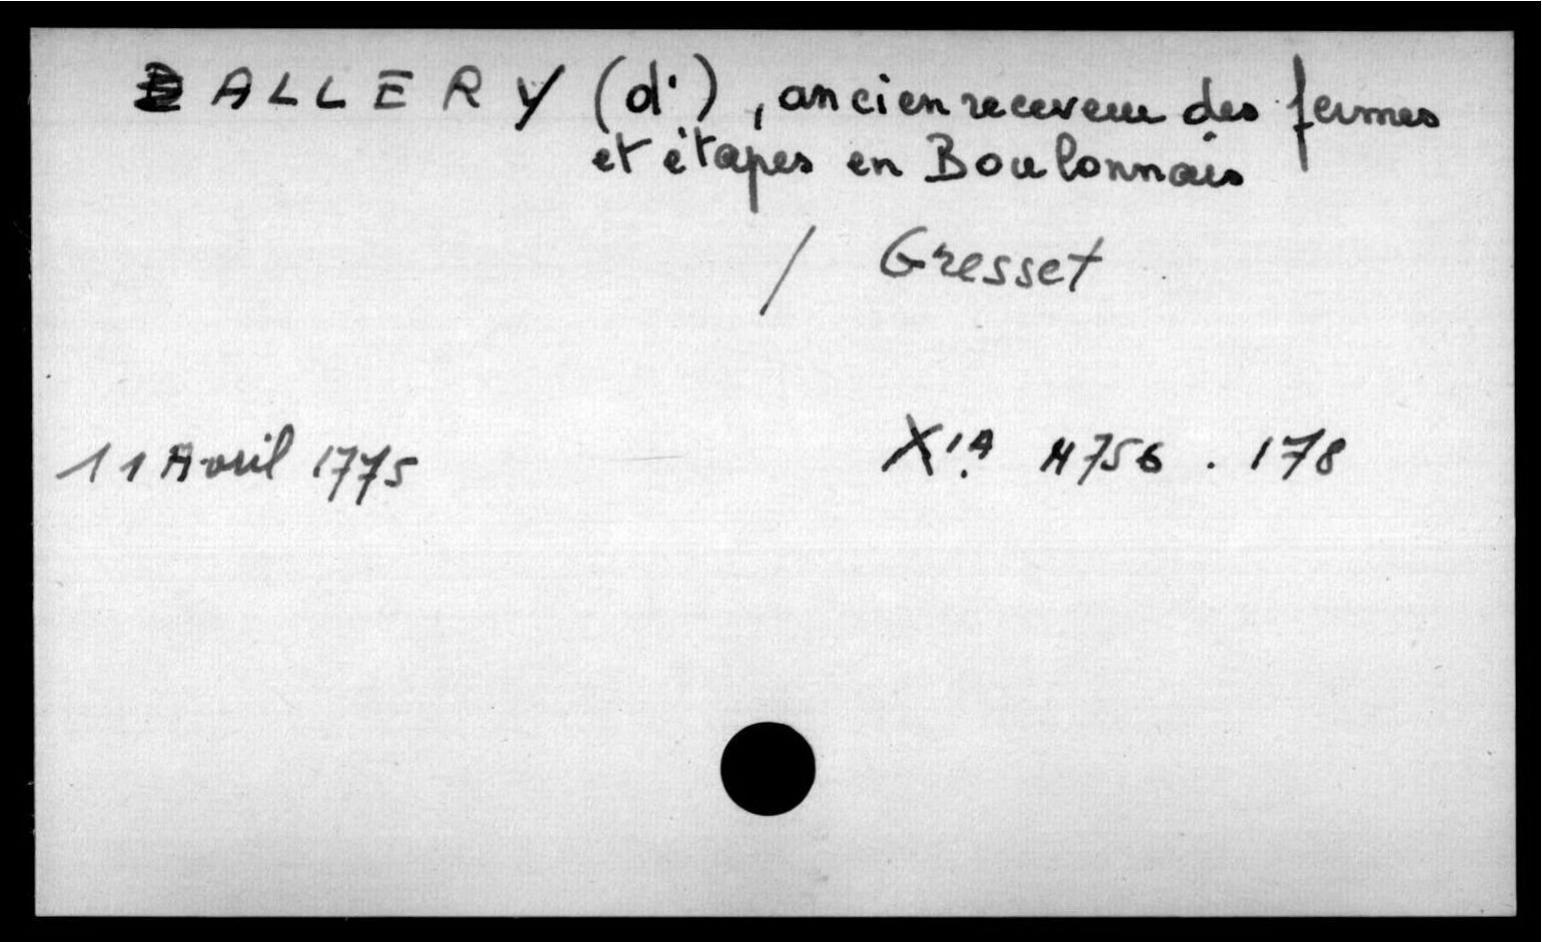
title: ALLERY (d'), ancien receveur des fermes et étapes en Boulonnais
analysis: Contre Gresset
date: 11 avril 1775
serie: X1A
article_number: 4756
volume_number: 178
